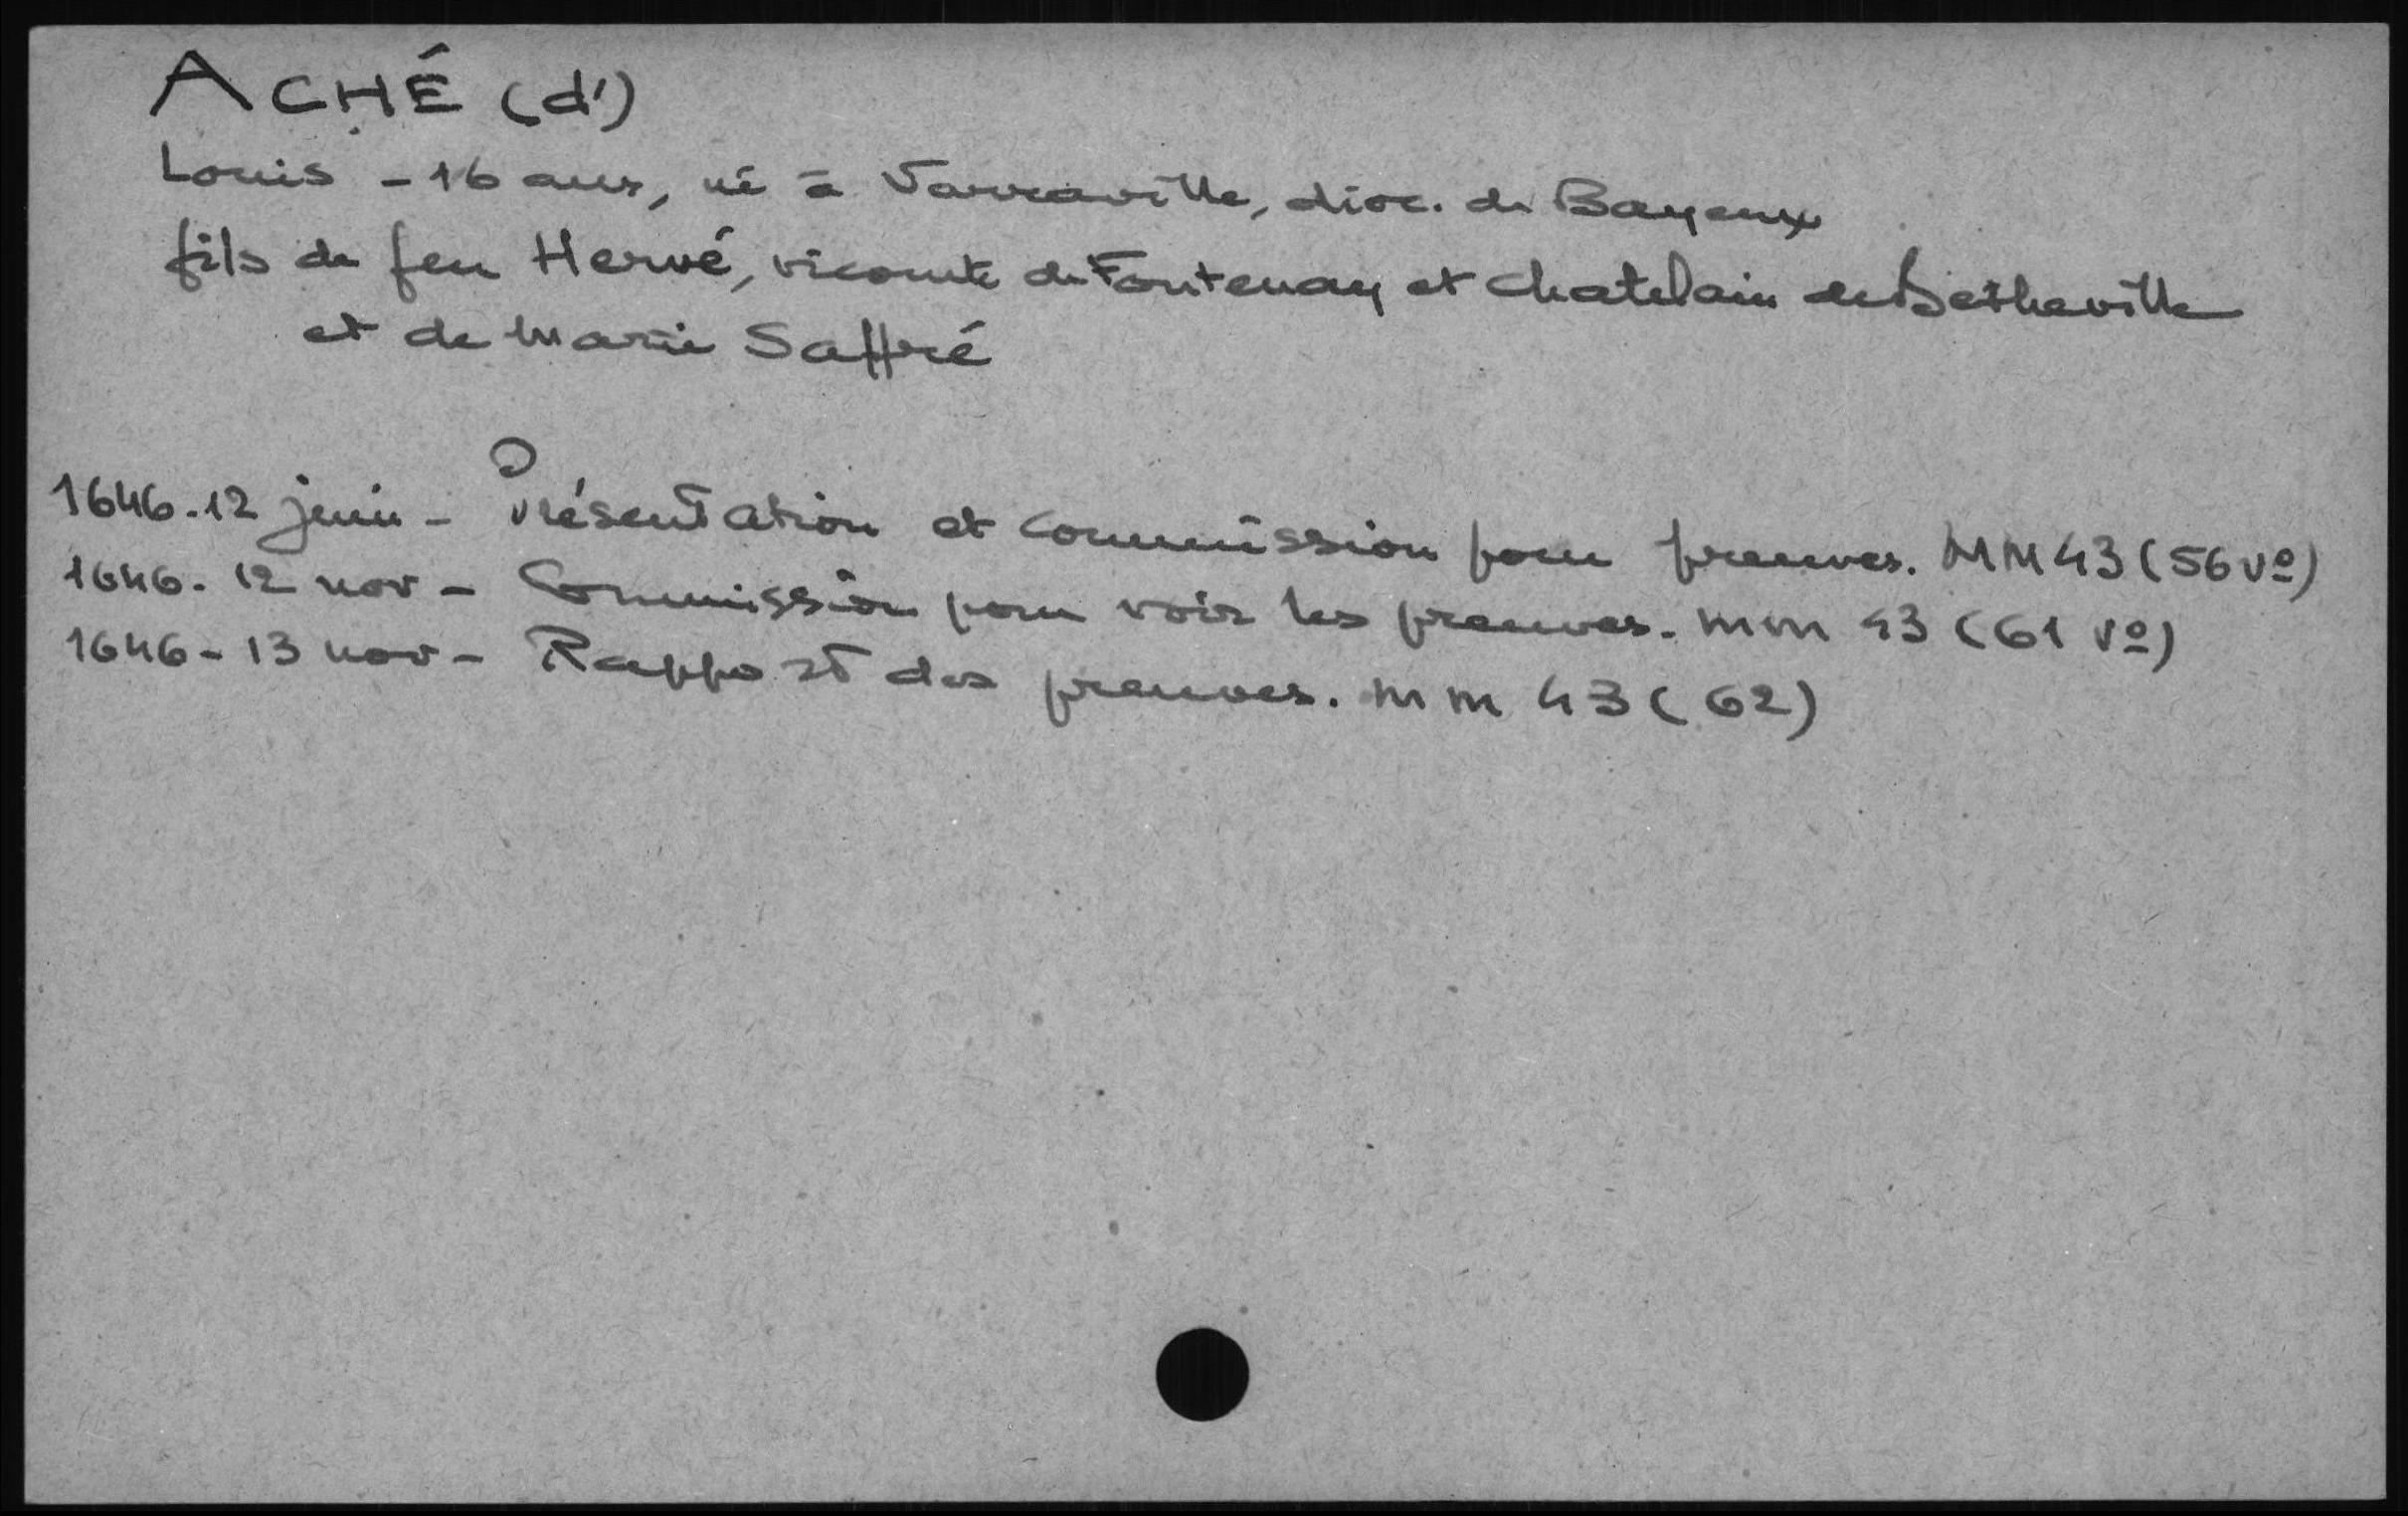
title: ACHÉ (d') Louis, 16 ans, né à Varraville, diocèse de Bayeux fils de feu Hervé, vicomte de Fontany et chatelain de Betheville et de Marie Saffré
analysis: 1646, 12 juin. Présentation et commission pour preuves. MM 43 (56v) 1646, 12 novembre Commission pour voir les preuves. MM 43 (61v) 1646, 13 novembre Rapport des preuves. MM 43 (62)
